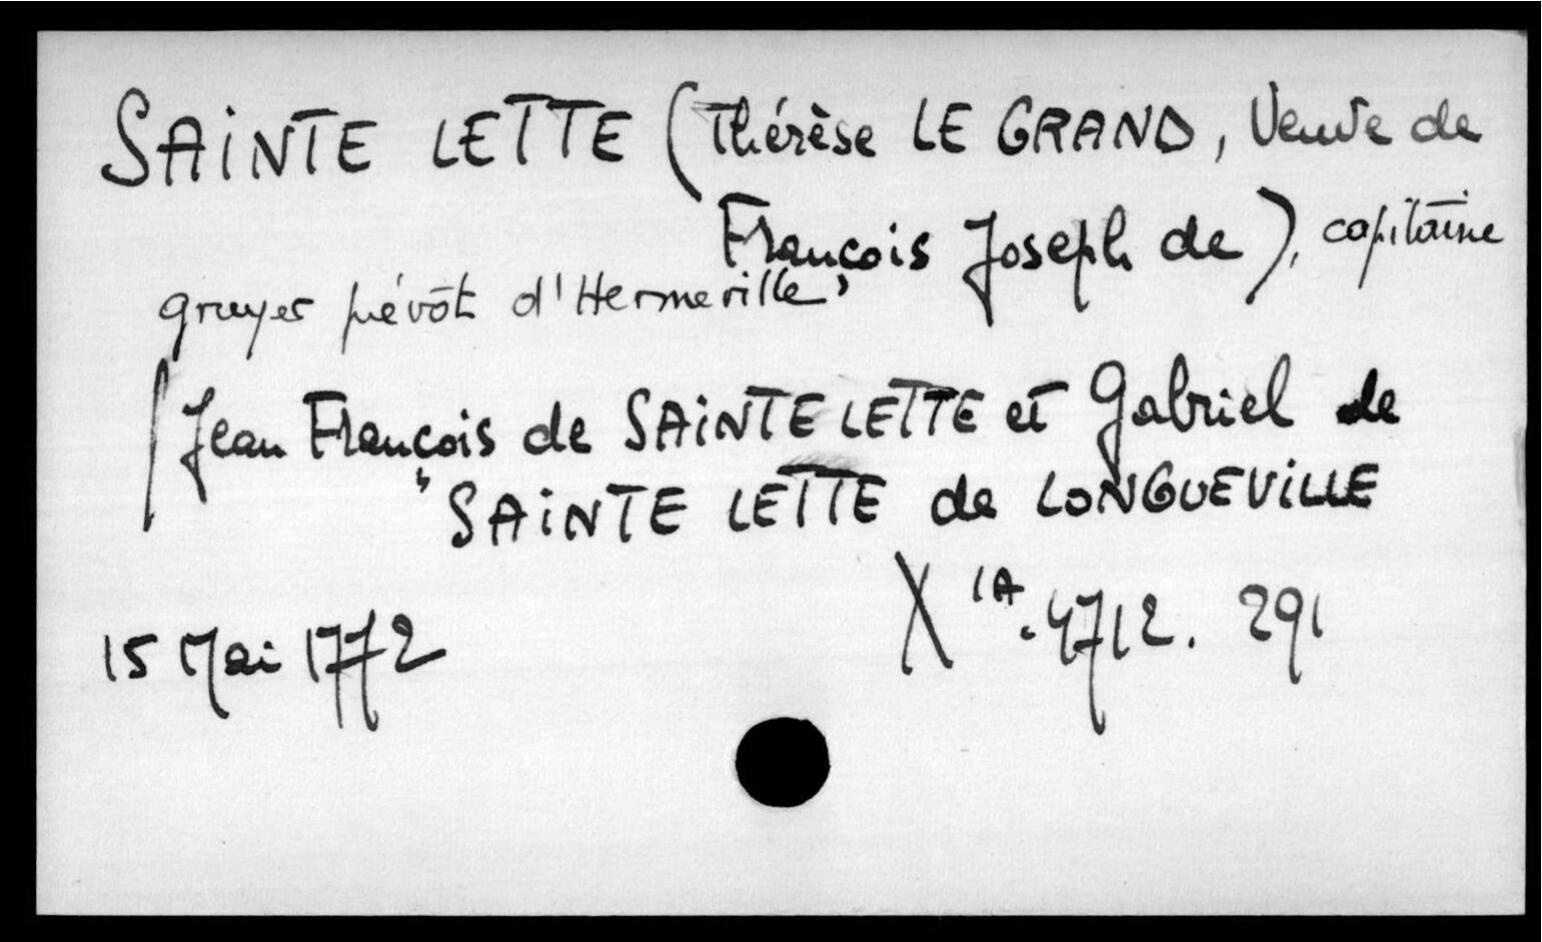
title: SAINTE LETTE (Thérèse LE GRAND, Veuve de François Joseph de), capitaine gruyer prévôt d'Hermeville
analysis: Contre Jean François de SAINTELETTE et Gabriel de SAINTE LETTE de LONGUEVILLE
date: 15 mai 1772
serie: X1A
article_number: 4712
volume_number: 291
